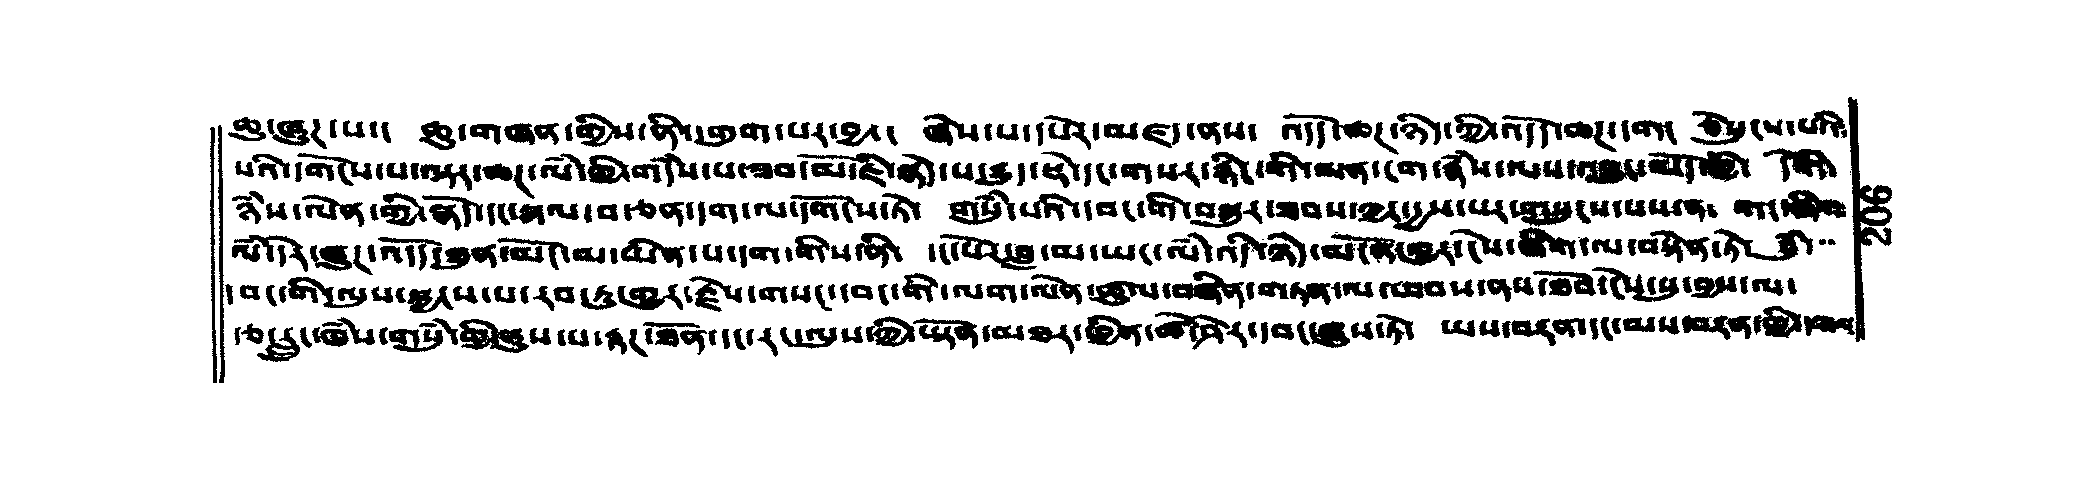ཆུ་ཞུགས་པ། །ཆུ་གཞན་གྱིས་ནི་དགུག་པར་བྱ། ཞེས་པ་དཔེར་མཛད་ནས། འདོད་ཆགས་ཉིད་ཀྱི་འདོད་ཆགས་དག ཅེས་གསུངས་
པའི་དགོངས་པ་ལྟར་ཆགས་ལམ་གྱི་གདམས་པ་ཟབ་མོ་ཇི་སྙེད་པ་རྒྱུད་སྡེ་དང་གསར་རྙིང་གི་མན་ངག་རྣམས་ལས་འབྱུང་མོད་ཀྱི། དམ་ཚིག་
ཉམས་ལེན་གྱི་སྣོད་དང་སྐལ་བ་ཅན་དག་ལ་དགོངས་ཏེ། གསུམ་པའི་དབང་གི་བསྐུར་ཐབས་ཀྱང་རྒྱས་པར་གསུངས་པས་ན། གང་ཞིག་
ལམ་དེར་ཞུགས་འདོད་ཐུན་མོང་མ་ཡིན་པ་དག་གིས་ནི། དང་པོར་བླ་མ་ཡང་ལམ་འདི་ཉིད་མངོན་གྱུར་ངེས་ཞིག་ལ་བསྟེན་ཏེ། བུམ་
དབང་གི་ལུས་སྦྱངས་པ་རབ་ཏུ་གྱུར་རྗེས་གསང་དབང་གི་ལག་ལེན་ཚུལ་བཞིན་གཏན་ལ་ཕབས་ནས་ཐོབ་ངེས་སུ་བྱས་ལ་
རྩ་རླུང་ཁམས་གསུམ་གྱི་ནུས་པ་རྟགས་ཐོན་དང་རང་ལུས་ཀྱི་ཡོན་ཏན་མཐར་ཕྱིན་ཚེ་ཤེར་དབང་ཞུས་ཏེ། ཡས་བརྟན་དང་མས་བརྟན་གྱི་དགའ་